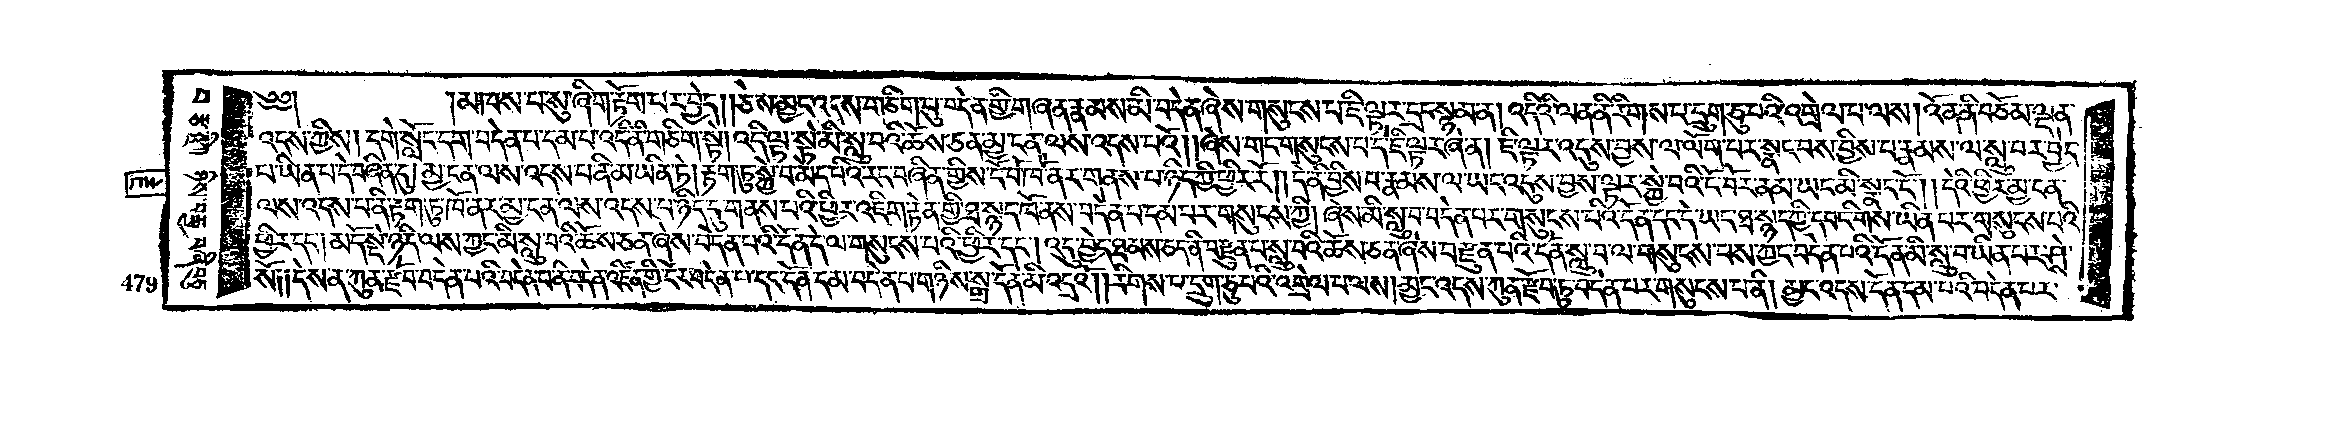༄༅། །མ་ངེས་པ་སུ་ཞིག་རྟོག་པར་བྱེད། །ཅེས་མྱང་འདས་གཅིག་པུ་བདེན་གྱི་གཞན་རྣམས་མི་བདེན་ཞེས་གསུངས་པ་ཇི་ལྟར་དྲང་སྙམ་ན། འདིའི་ལན་ནི་རིགས་པ་དྲུག་ཅུ་པའི་འགྲེལ་པ་ལས། འོ་ན་ནི་བཅོམ་ལྡན་
འདས་ཀྱིས། དགེ་སློང་དག་བདེན་པ་དམ་པ་འདི་ནི་གཅིག་སྟེ། འདི་ལྟ་སྟེ་མི་སླུ་བའི་ཆོས་ཅན་མྱ་ངན་ལས་འདས་པའོ། །ཞེས་གང་གསུངས་པ་དེ་ཇ་ལྟར་ཞེ་ན། ཇི་ལྟར་འདུས་བྱས་ལ་ལོག་པར་སྣང་བས་བྱིས་པ་རྣམས་ལ་སླུ་བར་བྱེད་
པ་ཡིན་པ་དེ་བཞིན་དུ། མྱ་ངན་ལས་འདས་པ་ནི་མ་ཡིན་ཏེ། རྟག་ཏུ་སྐྱེ་བ་མེད་པའི་རང་བཞིན་གྱིས་ངོ་བོ་ཁོ་ནར་གནས་པ་ཉིད་ཀྱི་ཕྱིར་རོ། །དེ་ནི་བྱིས་པ་རྣམས་ལ་ཡང་འདུས་བྱས་ལྟར་སྐྱེ་བའི་ངོ་བོར་ནམ་ཡང་མི་སྣང་ངོ། །དེའི་ཕྱིར་མྱ་ངན་
ལས་འདས་པ་ནི་རྟག་ཏུ་ཁོ་ནར་མྱ་ངན་ལས་འདས་པ་ཉིད་དུ་གནས་པའི་ཕྱིར་འཇིག་རྟེན་གྱི་ཐ་སྙད་ཁོ་ནས་བདེན་པ་དམ་པར་གསུངས་ཀྱི། ཞེས་མི་སླུ་བ་བདེན་པར་གསུངས་པའི་དོན་དང་དེ་ཡང་ཐ་སྙད་ཀྱི་དབང་གིས་ཡིན་པར་གསུངས་པའི་
ཕྱིར་དང་། མདོ་སྡེ་ཉིད་ལས་ཀྱང་མི་སླུ་བའི་ཆོས་ཅན་ཞེས་བདེན་པའི་དོན་དེ་ལ་གསུངས་པའི་ཕྱིར་དང་། འདུ་བྱེད་ཐམས་ཅད་ནི་བརྫུན་པ་སླུ་བའི་ཆོས་ཅན་ཞེས་བརྫུན་པའི་དོན་སླུ་བ་ལ་གསུངས་པས་ཀྱང་བདེན་པའི་དོན་མི་སླུ་བ་ཡིན་པར་ཤེས་
སོ༑ ༑དེས་ན་ཀུན་རྫོབ་བདེན་པའི་བདེན་པ་ནི་བདེན་འཛིན་གྱི་ངོར་བདེན་པ་དང་དོན་དམ་བདེན་པ་གཉིས་སྒྲ་དོན་མི་འདྲའོ། །རིགས་པ་དྲུག་ཅུ་པའི་འགྲེལ་པ་ལས། མྱང་འདས་ཀུན་རྫོབ་ཏུ་བདེན་པར་གསུངས་པ་ནི། མྱང་འདས་དོན་དམ་པའི་བདེན་པར་